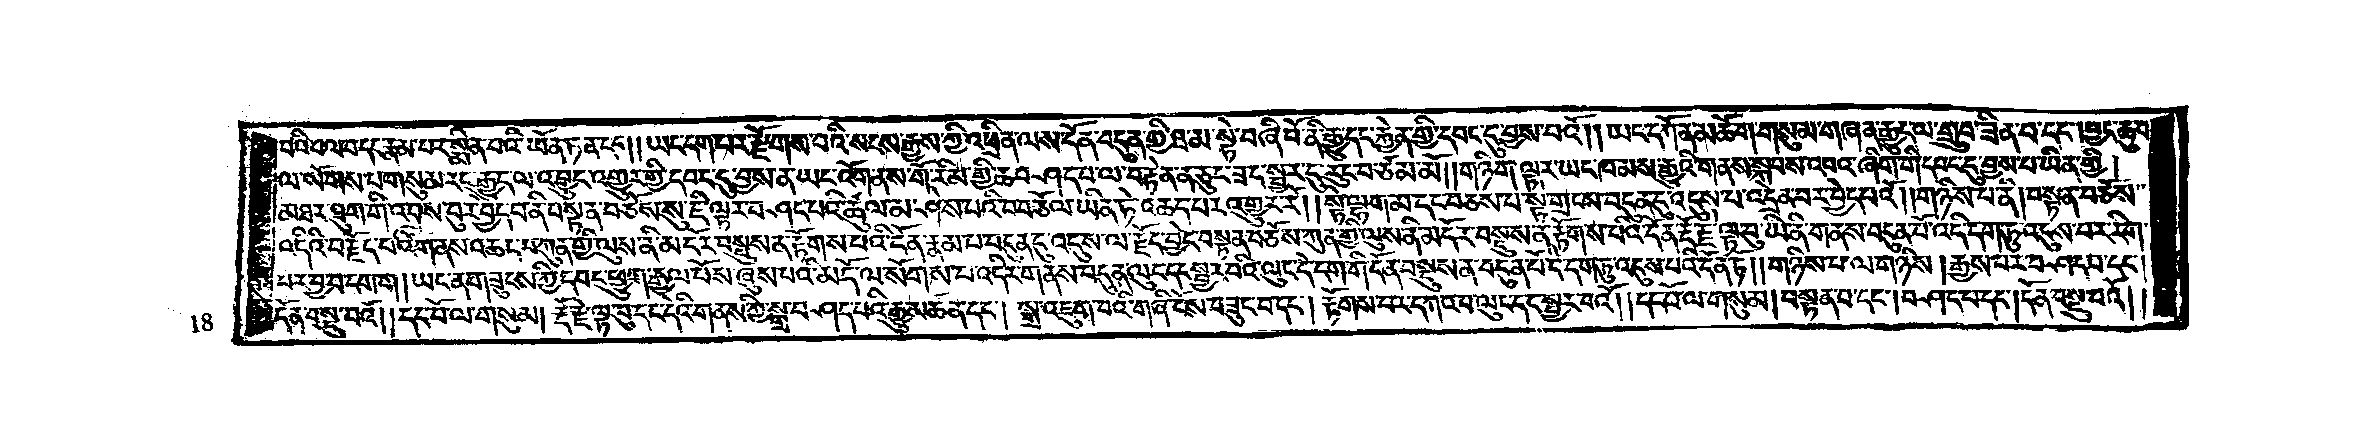བའི་བལ་བ་དང་རྣམ་པར་སྨིན་པའི་ཡོན་ཏན་དང་། །ཡང་དག་པར་རྫོགས་པའི་སངས་རྒྱས་ཀྱི་འཕྲིན་ལས་དོན་བདུན་གྱི་ཐ་མ་སྟེ་བཞི་པོ་ནི་རྒྱུ་དང་རྐྱེན་གྱི་དབང་དུ་བྱས་པའོ། །ཡང་དཀོན་མཆོག་གསུམ་གཞན་རྒྱུད་ལ་གྲུབ་ཟིན་པ་དང་། བྱང་ཆུབ་
ལ་སོགས་པ་གསུམ་རང་རྒྱུད་ལ་འབྱུང་འགྱུར་གྱི་དབང་དུ་བྱས་ན་ཡང་འོག་ནས་གོ་རིམ་གྱི་ཆ་བཤད་པ་ལ་བརྟེན་ན་ཅུང་ཟད་སྦྱར་དུ་རུང་བ་ཙམ་མོ། །གཉིག་ལྟར་ཡང་ཁམས་རྒྱུའི་གནས་སྐབས་འབའ་ཞིག་གི་དབང་དུ་བྱས་པ་ཡིན་གྱི།
མཐར་ཐུག་གི་འབྲས་བུར་བྱེད་པ་ནི་བསྟན་བཅོས་སུ་ཇི་ལྟར་བཤད་པའི་ཚུལ་མ་ཤེས་པའི་བབ་ཅོལ་ཡིན་ཏེ་འཆད་པར་འགྱུར་རོ། །སྟེ་ལྷག་མ་དང་བཅས་པ་སྟེ་གྲངས་བདུན་དུ་འདུས་པ་འདྲེན་པར་བྱེད་པའོ། །གཉིས་པ་ནི། བསྟན་བཅོས་
འདིའི་བརྗོད་པའི་གནས་འཆད་པ་ཀུན་གྱི་ལུས་ནི་མདོར་བསླུས་ན་རྟོགས་པའི་དོན་རྣམ་པ་བདུན་དུ་འདུས་ལ་རྗོད་བྱེད་བསྟན་བཅོས་ཀུན་གྱི་ལུས་ནི་མདོར་བསྡུས་ན་རྟོགས་པའི་དོན་རྡོ་རྗེ་ལྟ་བུ་ཡི་ནི་གནས་བདུན་པོ་འདི་དག་ཏུ་འདུས་པར་རིག་
པར་བྱ་བ་དགག །ཡང་ན་གཟུངས་ཀྱི་དབང་ཕྱུག་རྒྱལ་པོས་ཞུས་པའི་མདོ་ལ་སོགས་པ་འདིར་གནས་བདུན་ལུང་དང་སྦྱར་བའི་ལུང་དེ་དག་གི་དོན་བསྡུས་ན་བདུན་པོ་དེ་དག་ཏུ་འདུས་པའི་དོན་ཏོ། །གཉིས་པ་ལ་གཉིས། རྒྱས་པར་བཤད་པ་དང་།
དོན་བསྡུ་བའོ། །དང་པོ་ལ་གསུམ། རྡོ་རྗེ་ལྟ་བུ་དང་དེའི་གནས་ཀྱི་སྒྲ་བཤད་པའི་རྒྱུ་མཚན་དང་། སྒྲ་འཇུག་པའི་གཞི་ངོས་བཟུང་བ་དང་། རྟོགས་པར་དཀའ་བ་ལུང་དང་སྦྱར་བའོ། །དང་པོ་ལ་གསུམ། བསྟན་པ་དང་། བཤད་པ་དང་། དོན་བསྡུ་བའོ། །